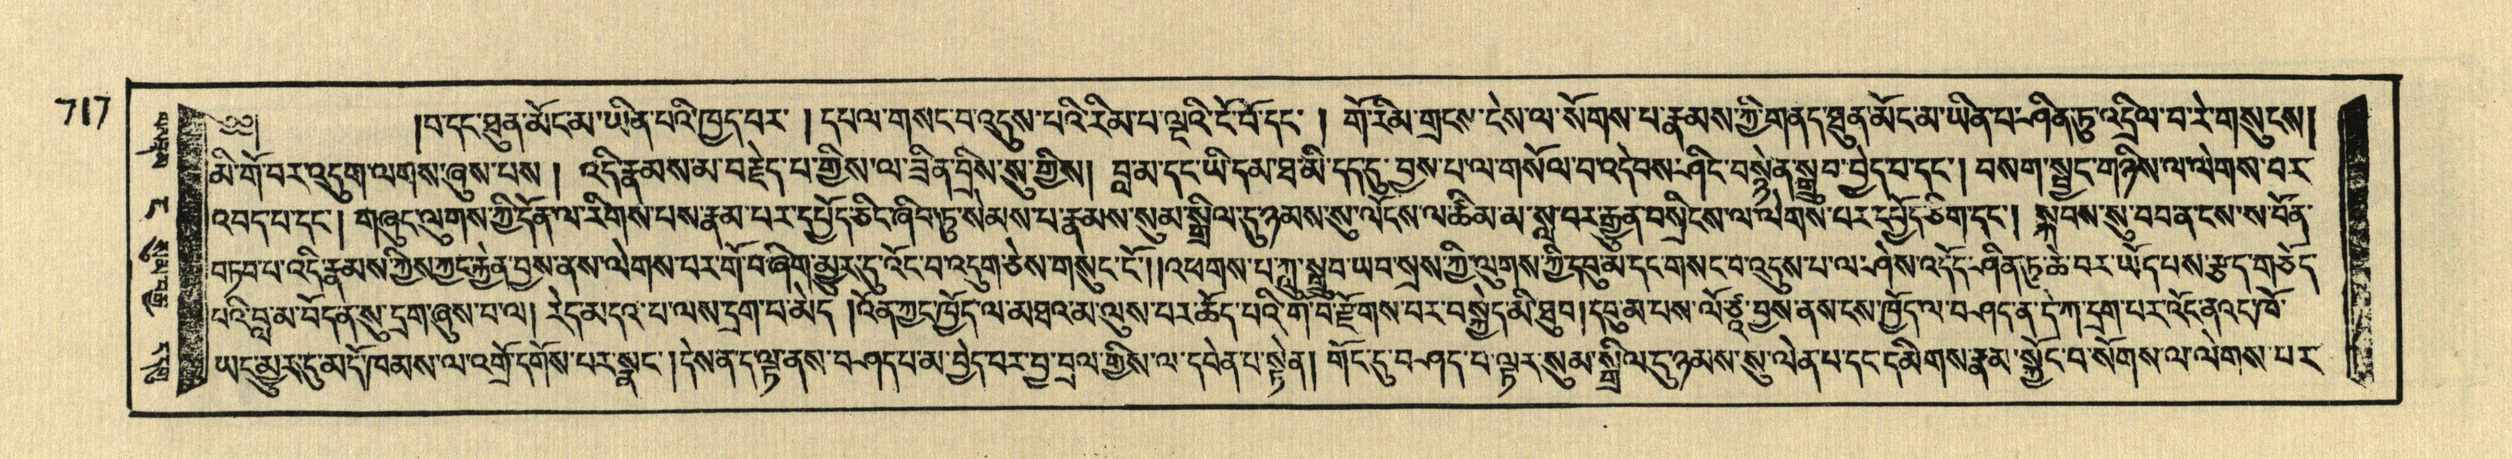༄༅། །བ་དང་ཐུན་མོང་མ་ཡིན་པའི་ཁྱད་པར། དཔལ་གསང་བ་འདུས་པའི་རིམ་པ་ལྔའི་ངོ་བོ་དང་། གོ་རིམ་གྲངས་ངེས་ལ་སོགས་པ་རྣམས་ཀྱི་གནད་ཐུན་མོང་མ་ཡིན་པ་ཤིན་ཏུ་འདྲིལ་བ་རེ་གསུངས།
མི་གོ་བར་འདུག་ལགས་ཞུས་པས། འདི་རྣམས་མ་བརྗེད་པ་གྱིས་ལ་ཟིན་བྲིས་སུ་གྱིས། བླ་མ་དང་ཡི་དམ་ཐ་མི་དད་དུ་བྱས་པ་ལ་གསོལ་བ་འདེབས་ཤིང་བསྙེན་སྒྲུབ་བྱེད་པ་དང་། བསག་སྦྱང་གཉིས་ལ་ལེགས་བར་
འབད་པ་དང་། གཞུང་ལུགས་ཀྱི་དོན་ལ་རིགས་པས་རྣམ་པར་དཔྱོད་ཅིང་ཞིབ་ཏུ་སེམས་པ་རྣམས་སུམ་སྒྲིལ་དུ་ཉམས་སུ་ལོངས་ལ་ཚིམ་མ་སླ་བར་རྒྱུན་བསྲིངས་ལ་ལེགས་པར་དཔྱོད་ཅིག་དང་། སྐབས་སུ་བབ་ན་ངས་ས་བོན་
བཏབ་པ་འདི་རྣམས་ཀྱིས་ཀྱང་རྐྱེན་བྱས་ནས་ལེགས་པར་གོ་བ་ཞིག་མྱུར་དུ་འོང་བ་འདུག་ཅེས་གསུང་ངོ། །འཕགས་པ་ཀླུ་སྒྲུབ་ཡབ་སྲས་ཀྱི་ལུགས་ཀྱི་དབུ་མ་དང་གསང་བ་འདུས་པ་ལ་ཤེས་འདོད་ཤིན་ཏུ་ཆེ་བར་ཡོད་པས་རྩད་གཅོད་
པའི་བླ་མ་བོད་ན་སུ་དྲག་ཞུས་པ་ལ། རེད་མདའ་བ་ལས་དྲག་པ་མེད། །འོན་ཀྱང་ཁྱོད་ལ་མཐའ་མ་ལུས་པར་ཆོད་པའི་གོ་བ་རྫོགས་པར་བསྐྱེད་མི་ཐུབ། དབུ་མ་པས་ལོ་ཙཱ་བྱས་ནས་ངས་ཁྱོད་ལ་བཤད་ན་དེ་ཀ་དྲག་པར་འོང་ནའང་ཁོ་
ཡང་མྱུར་དུ་མདོ་ཁམས་ལ་འགྲོ་དགོས་པར་སྣང་། །དེས་ན་ད་ལྟ་ནས་བཤད་པ་མ་བྱེད་པར་བྱ་བྲལ་གྱིས་ལ་དབེན་པ་སྟེན། གོང་དུ་བཤད་པ་ལྟར་སུམ་སྒྲིལ་དུ་ཉམས་སུ་ལེན་པ་དང་དམིགས་རྣམ་སྐྱོང་བ་སོགས་ལ་ལེགས་པར་